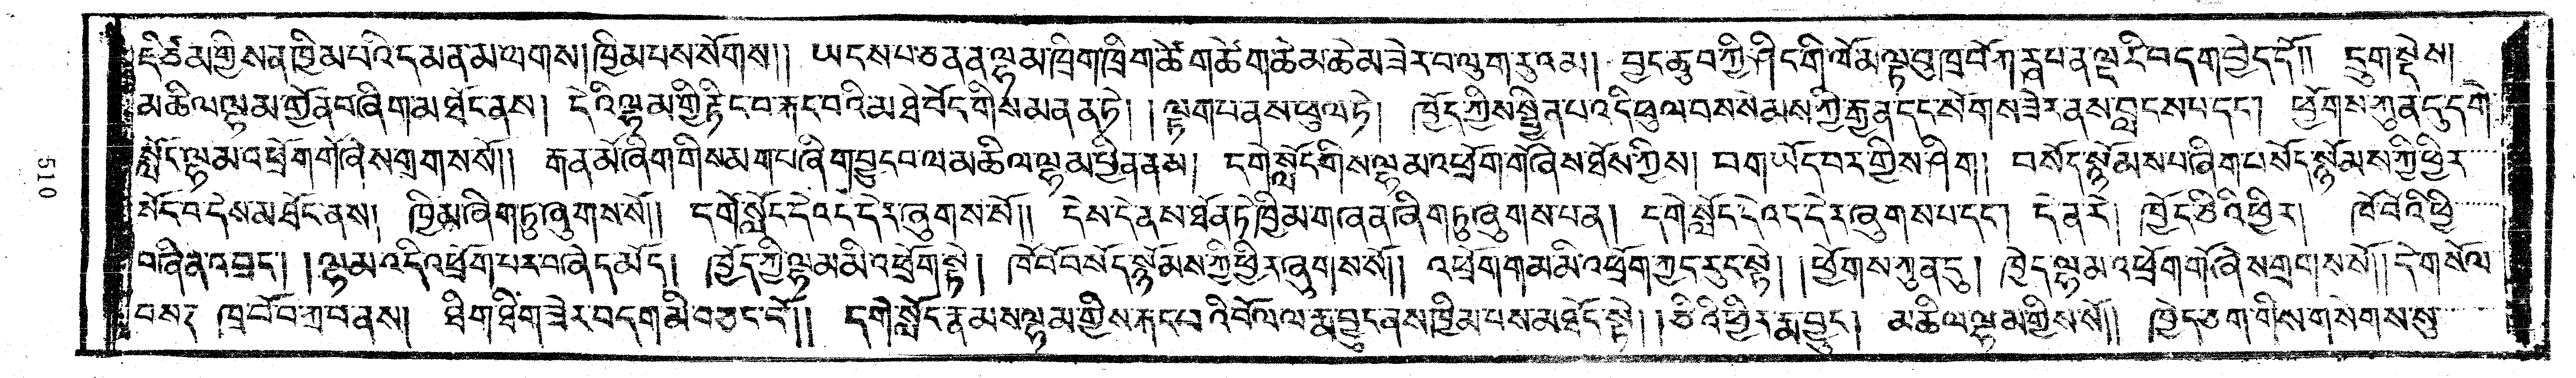ཇི་ཙམ་གྱིས་ན་ཁྱིམ་པའི་དམན་མ་ལགས། ཁྱིམ་པས་སོགས།། ཡངས་པ་ཅན་ན་ལྷམ་ཁྲིག་ཁྲིག་ཚེག་ཚེག་ཆེམ་ཟེར་བ་ལུག་རུའམ། བྱང་ཆུབ་ཀྱི་ཤིང་གི་ལོ་མ་ལྟ་བུ་ཁྲ་བོ་ཀརྵ་པ་ན་ལྔ་རི་བདག་བྱེད་དོ།། དྲུག་སྡེས།
མཆིལ་ལྷམ་གྱོན་བཞིག་མཐོང་ནས། དེའི་ལྷམ་གྱི་རྟིང་བ་རྐང་བའི་མཐེ་བོང་གིས་མནན་ཏེ། །ལྟག་པ་ནས་ཕུལ་ཏེ། ཁྱོད་ཀྱིས་སྦྱིན་པ་འདི་ཕུལ་བས་སེམས་ཀྱི་རྒྱན་དང་སོགས་ཟེར་ནས་བླངས་པ་དང་། ཕྱོགས་ཀུན་དུ་དགེ་
སློང་ལྷམ་འཕྲོག་གོ་ཞེས་གྲགས་སོ།། རྒན་མོ་ཞིག་གི་སྨག་པ་ཞིག་བྱུང་བ་ལ་མཆིལ་ལྷམ་བྱིན་ནམ། དགེ་སློང་གིས་ལྷམ་འཕྲོག་གོ་ཞེས་ཐོས་ཀྱིས། བག་ཡོད་པར་གྱིས་ཤིག །བསོད་སྙོམས་པ་ཞིག་བསོད་སྙོམས་ཀྱི་ཕྱིར་
སོང་བ་དེས་མཐོང་ནས། ཁྱིམ་ཞིག་ཏུ་ཞུགས་སོ།། དགེ་སློང་དེའང་དེར་ཞུགས་སོ།། དེས་དེ་ནས་ཐོན་ཏེ་ཁྱིམ་གཞན་ཞིག་ཏུ་ཞུགས་པ་ན། དགེ་སློང་དེའང་དེར་ཞུགས་པ་དང་། དེ་ན་རེ། ཁྱོད་ཅིའི་ཕྱིར། ཁོ་བོའི་ཕྱི་
བཞིན་འབྲང་། །ལྷམ་འདི་འཕྲོག་པར་བཞེད་མོད། ཁྱོད་ཀྱི་ལྷམ་མི་འཕྲོག་སྟེ། ཁོ་བོ་བསོད་སྙོམས་ཀྱི་ཕྱིར་ཞུགས་སོ།། འཕྲོག་གམ་མི་འཕྲོག་ཀྱང་རུང་སྟེ། །ཕྱོགས་ཀུན་དུ། ཁྱེད་ལྷམ་འཕྲོག་གོ་ཞེས་གྲགས་སོ། །དེ་གསོལ་
བས༑ ཁྲ་བོ་བ་ཀྲ་བ་ནས། ཐིག་ཐིག་ཟེར་བདག་མི་བཅང་ངོ།། དགེ་སློང་རྣམས་ལྷམ་གྱིས་རྐང་པའི་བོལ་ལ་རྨ་བྱུང་ནས་ཁྱིམ་པས་མཐོང་སྟེ། །ཅིའི་ཕྱིར་རྨ་བྱུང་། མཆིལ་ལྷམ་གྱིས་སོ།། ཁྱེད་ཅག་གིས་གསེགས་སུ་